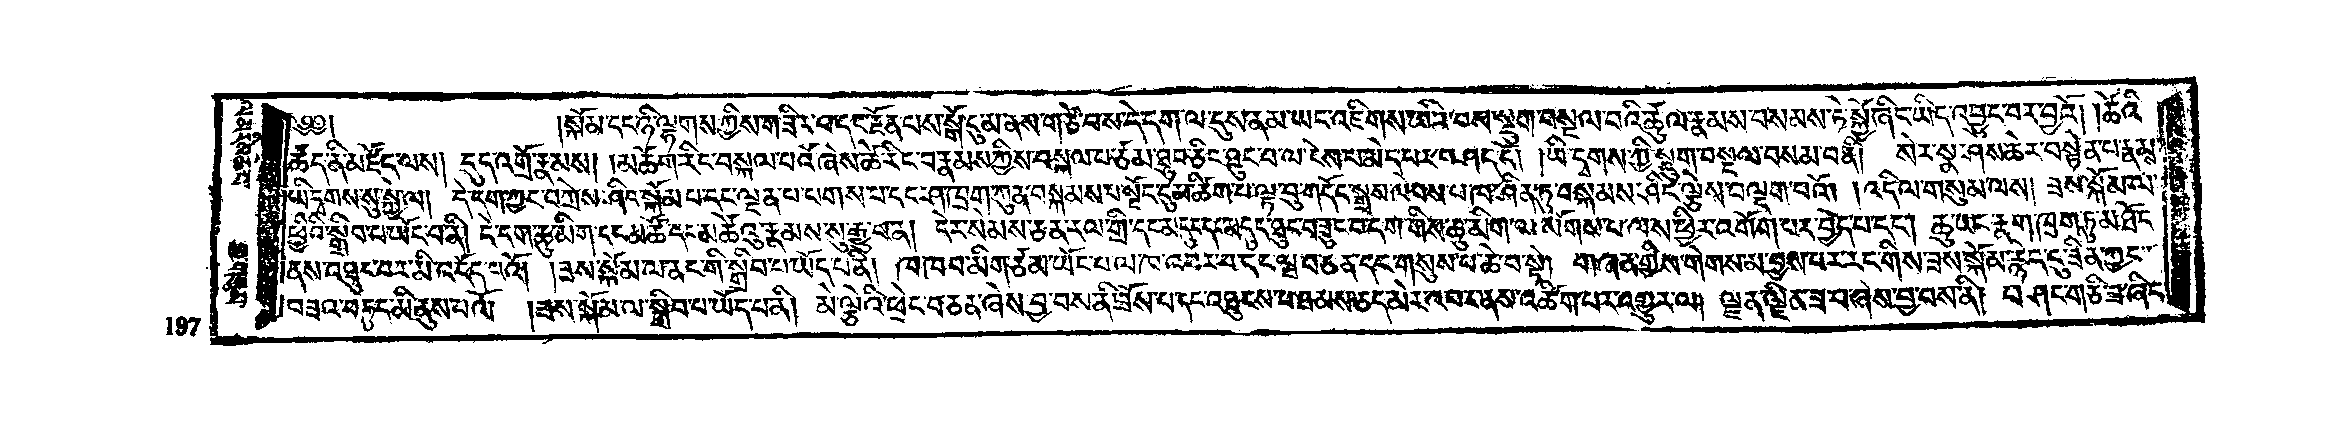༄༅། །སྐོམ་དང་ཉི་ལྷགས་ཀྱིས་གཟིར་བ་དང་རྔོན་པས་སྒོ་དུ་མ་ནས་གཙེ་བས་དེ་དག་ལ་དུས་ནམ་ཡང་འཇིགས་ཡེ་རེ་བས་སྡུག་བསྔལ་བའི་ཚུལ་རྣམས་བསམས་ཏེ་སྐྱོ་ཞིང་ཡིད་འབྱུང་བར་བྱའོ། །ཚོའི་
ཚད་ནི་མཛོད་ལས། དུད་འགྲོ་རྣམས། །མཆོག་རིང་བསྐལ་པའོ་ཞེས་ཚེ་རིང་བ་རྣམས་ཀྱིས་བསྐལ་བ་ཙམ་ཐུབ་ཅིང་ཐུང་བ་ལ་ངེས་པ་མེད་པར་བཤད་དོ། །ཡི་དྭགས་ཀྱི་སྡུག་བསྔལ་བསམ་པ་ནི། སེར་སྣ་ཤས་ཆེར་བསྟེན་པ་རྣམས་
ཡི་དྭགས་སུ་སྐྱེ་ལ། དེ་དག་ཀྱང་བཀྲེས་ཤིང་སྐོམ་པ་དང་ལྡན་པ་པགས་པ་དང་ཤ་ཁྲག་ཀུན་བསྐམས་པ་སྡོང་དུམ་ཚིག་པ་ལྟ་བུ་གདོང་སྐྲས་ཁེབས་པ་ཁ་ཤིན་ཏུ་བསྐམས་ཤིང་ལྕེས་བལྡག་པའོ། །འདི་ལ་གསུམ་ལས། ཟས་སྐོམ་ལ་
ཕྱིའི་སྒྲིབ་པ་ཡོད་པ་ནི། དེ་དག་ཆུ་མིག་དང་མཚོ་དང་མཚེའུ་རྣམས་སུ་རྒྱུ་བ་ན། དེར་སེམས་ཅན་རལ་གྲི་དང་མདུང་དང་མདུང་ཐུང་བཟུང་བ་དག་གིས་ཆུ་མིག་ལ་སོགས་པ་ལས་ཕྱིར་འགོག་པར་བྱེད་པ་དང་། ཆུ་ཡང་རྣག་ཁྲག་ཏུ་མཐོང་
ནས་འཐུང་བར་མི་འདོད་པའོ། །ཟས་སྐོམ་ལ་ནང་གི་སྒྲིབ་པ་ཡོད་པ་ནི། ཁ་ཁབ་མིག་ཙམ་ཡོད་པ་ལ་ཁ་འབར་བ་དང་ལྦ་བ་ཅན་དང་གསུས་པ་ཆེ་བ་སྟེ། གཞན་གྱིས་གེགས་མ་བྱས་པར་རང་གིས་ཟས་སྐོམ་རྙེད་དུ་ཟིན་ཀྱང་
བཟའ་བཏུང་མི་ནུས་པའོ། །ཟས་སྐོམ་ལ་སྒྲིབ་པ་ཡོད་པ་ནི། མེ་ལྕེའི་ཕྲེང་བ་ཅན་ཞེས་བྱ་བས་ནི་ཟོས་པ་དང་འཐུངས་པ་ཐམས་ཅད་མེར་འབར་ནས་འཚིག་པར་འགྱུར་ལ། ལྗན་ལྗིན་ཟ་བ་ཞེས་བྱ་བས་ནི། བཤང་གཅི་ཟ་ཞིང་